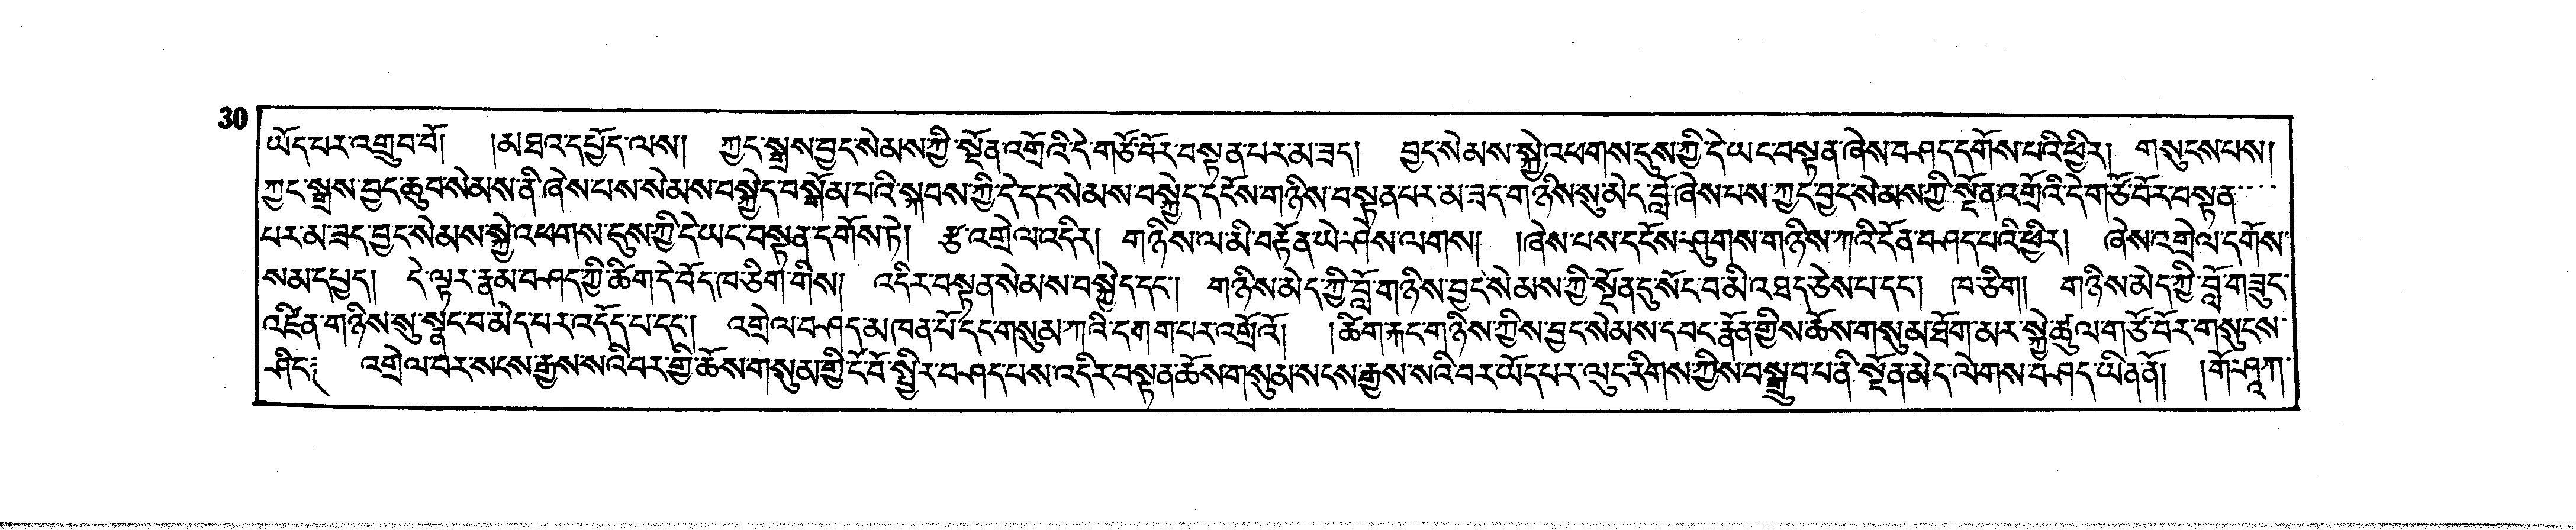ཡོད་པར་འགྲུབ་བོ། །མཐའ་དཔྱོད་ལས། ཀྱང་སྒྲས་བྱང་སེམས་ཀྱི་སྔོན་འགྲོའི་དེ་གཙོ་བོར་བསྟན་པར་མ་ཟད། བྱང་སེམས་སྐྱེ་འཕགས་དུས་ཀྱི་དེ་ཡང་བསྟན་ཞེས་བཤད་དགོས་པའི་ཕྱིར། གསུངས་པས།
ཀྱང་སྒྲས་བྱང་ཆུབ་སེམས་ནི་ཞེས་པས་སེམས་བསྐྱེད་བསྒོམ་པའི་སྐབས་ཀྱི་དེ་དང་སེམས་བསྐྱེད་དངོས་གཉིས་བསྟན་པར་མ་ཟད་གཉིས་སུ་མེད་བློ་ཞེས་པས་ཀྱང་བྱང་སེམས་ཀྱི་སྔོན་འགྲོའི་དེ་གཙོ་བོར་བསྟན་
པར་མ་ཟད་བྱང་སེམས་སྐྱེ་འཕགས་དུས་ཀྱི་དེ་ཡང་བསྟན་དགོས་ཏེ། རྩ་འགྲེལ་འདིར། གཉིས་ལ་མི་བརྟེན་ཡེ་ཤེས་ལགས། །ཞེས་པས་དངོས་ཤུགས་གཉིས་ཀའི་དོན་བཤད་པའི་ཕྱིར། ཞེས་འགྲེལ་དགོས་
སམ་དཔྱད། དེ་ལྟར་རྣམ་བཤད་ཀྱི་ཚིག་དེ་བོད་ཁ་ཅིག་གིས། འདིར་བསྟན་སེམས་བསྐྱེད་དང་། གཉིས་མེད་ཀྱི་བློ་གཉིས་བྱང་སེམས་ཀྱི་སྔོན་དུ་སོང་བ་མི་འཐད་ཅེས་པ་དང་། ཁ་ཅིག། གཉིས་མེད་ཀྱི་བློ་གཟུང་
འཛིན་གཉིས་སུ་སྣང་བ་མེད་པར་འདོད་པ་དང་། འགྲེལ་བཤད་མཁན་པོ་དང་གསུམ་ཀའི་དགག་པར་འགྲོའོ། །ཚིག་རྐང་གཉིས་ཀྱིས་བྱང་སེམས་དབང་རྣོན་གྱིས་ཆོས་གསུམ་ཐོག་མར་སྐྱེ་ཚུལ་གཙོ་བོར་གསུངས་
ཤིང་། འགྲེལ་བར་སངས་རྒྱས་སའི་བར་གྱི་ཆོས་གསུམ་གྱི་ངོ་བོ་སྤྱིར་བཤད་པས་འདིར་བསྟན་ཆོས་གསུམ་སངས་རྒྱས་སའི་བར་ཡོད་པར་ལུང་རིགས་ཀྱིས་བསྒྲུབ་པ་ནི་སྔོན་མེད་ལེགས་བཤད་ཡིན་ནོ། །གོ་ཤཱཀ་